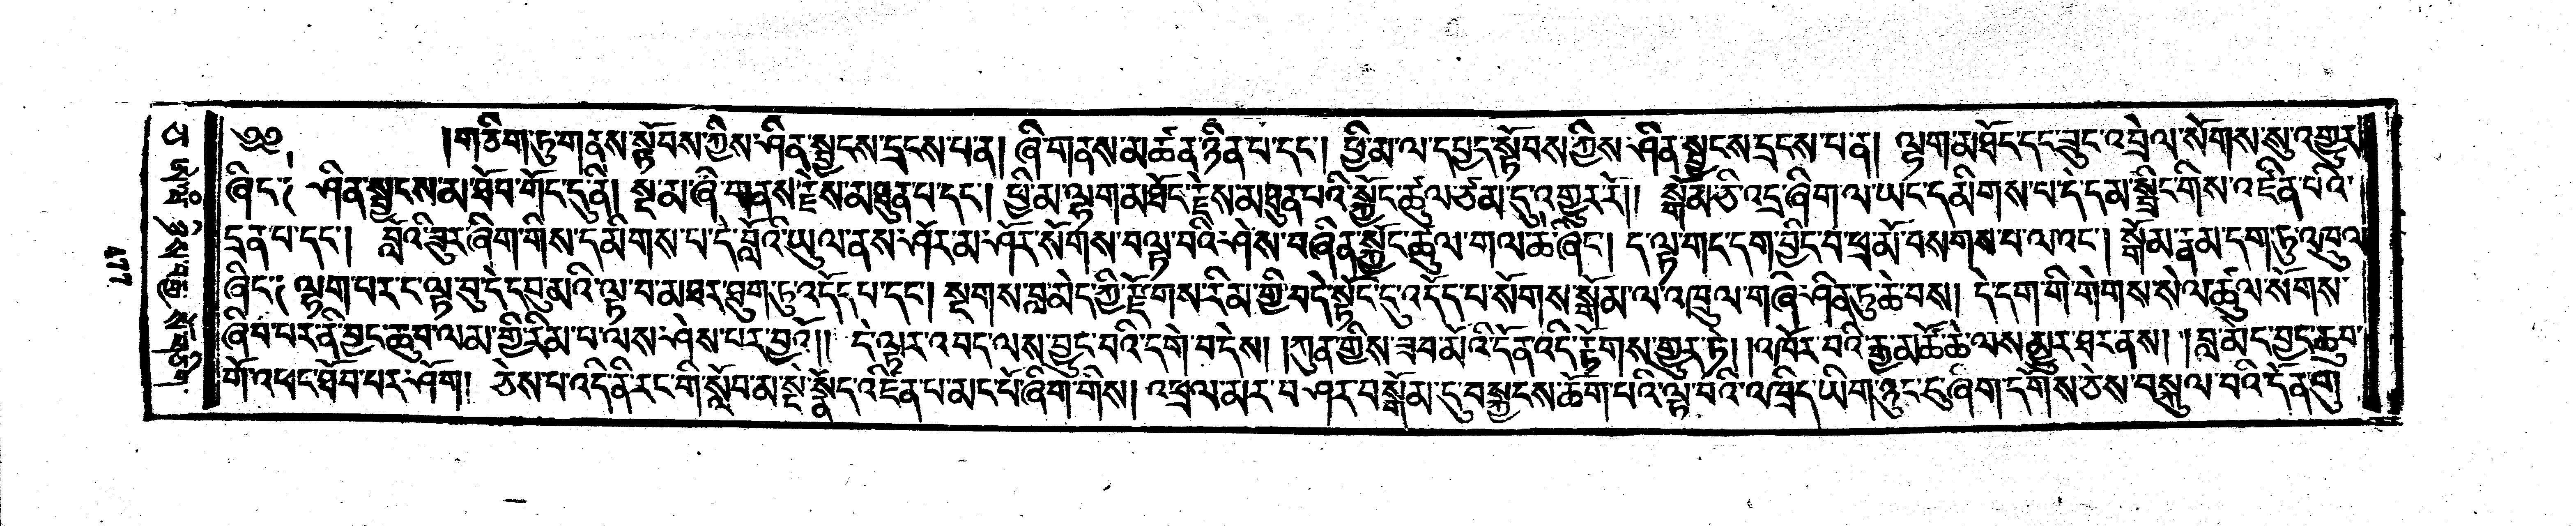༄༅། །གཅིག་ཏུ་གནས་སྟོབས་ཀྱིས་ཤིན་སྦྱངས་དྲངས་པ་ན། ཞི་གནས་མཚན་ཉིད་པ་དང་། ཕྱི་མ་ལ་དཔྱད་སྟོབས་ཀྱིས་ཤིན་སྦྱངས་དྲངས་པ་ན། ལྷག་མཐོང་དང་ཟུང་འབྲེལ་སོགས་སུ་འགྱུར་
ཞིང་། ཤིན་སྦྱངས་མ་ཐོབ་གོང་དུ་ནི། སྔ་མ་ཞི་གནས་རྗེས་མཐུན་པ་དང་། ཕྱི་མ་ལྷག་མཐོང་རྗེས་མཐུན་པའི་སྐྱོང་ཚུལ་ཙམ་དུ་འགྱུར་རོ། །སྒོམ་ཅི་འདྲ་ཞིག་ལ་ཡང་དམིགས་པ་དེ་དམ་སྦྲིང་གིས་འཛིན་པའི་
དྲན་པ་དང་། བློའི་ཟུར་ཞིག་གིས་དམིགས་པ་དེ་བློའི་ཡུལ་ནས་ཤོར་མ་ཤོར་སོགས་བལྟ་བའི་ཤེས་བཞིན་སྐྱོང་ཚུལ་གལ་ཆེ་ཞིང་། ད་ལྟ་གང་དག་བྱིང་བ་ཕྲ་མོ་བསགས་པ་ལའང་། སྒོམ་རྣམ་དག་ཏུ་འཁྲུལ་
ཞིང་། ལྷག་པར་ང་ལྟ་བུ་དེ་དབུ་མའི་ལྟ་བ་མཐར་ཐུག་ཏུ་འདོད་པ་དང་། སྔགས་བླ་མེད་ཀྱི་རྫོགས་རིམ་གྱི་བདེ་སྟོང་དུ་འདོད་པ་སོགས་སྒོམ་ལ་འཁྲུལ་གཞི་ཤིན་ཏུ་ཆེ་བས། དེ་དག་གི་གེགས་སེལ་ཚུལ་སོགས་
ཞིབ་པར་ནི་བྱང་ཆུབ་ལམ་གྱི་རིམ་པ་ལས་ཤེས་པར་བྱའོ། །དེ་ལྟར་འབད་ལས་བྱུང་བའི་དགེ་བ་དེས། །ཀུན་གྱིས་ཟབ་མོའི་དོན་འདི་རྟོགས་གྱུར་ཏེ། །འཁོར་བའི་རྒྱ་མཚོ་ཆེ་ལས་མྱུར་ཐར་ནས། །བླ་མེད་བྱང་ཆུབ་
གོ་འཕང་ཐོབ་པར་ཤོག །ཅེས་པ་འདི་ནི་རང་གི་སློབ་མ་སྡེ་སྣོད་འཛིན་པ་མང་པོ་ཞིག་གིས། འཕྲལ་མར་བཤར་བསྒོམ་དུ་བསྐྱངས་ཆོག་པའི་ལྟ་བའི་འཁྲིད་ཡིག་ཉུང་དུ་ཞིག་དགོས་ཅེས་བསྐུལ་བའི་དོན་དུ།